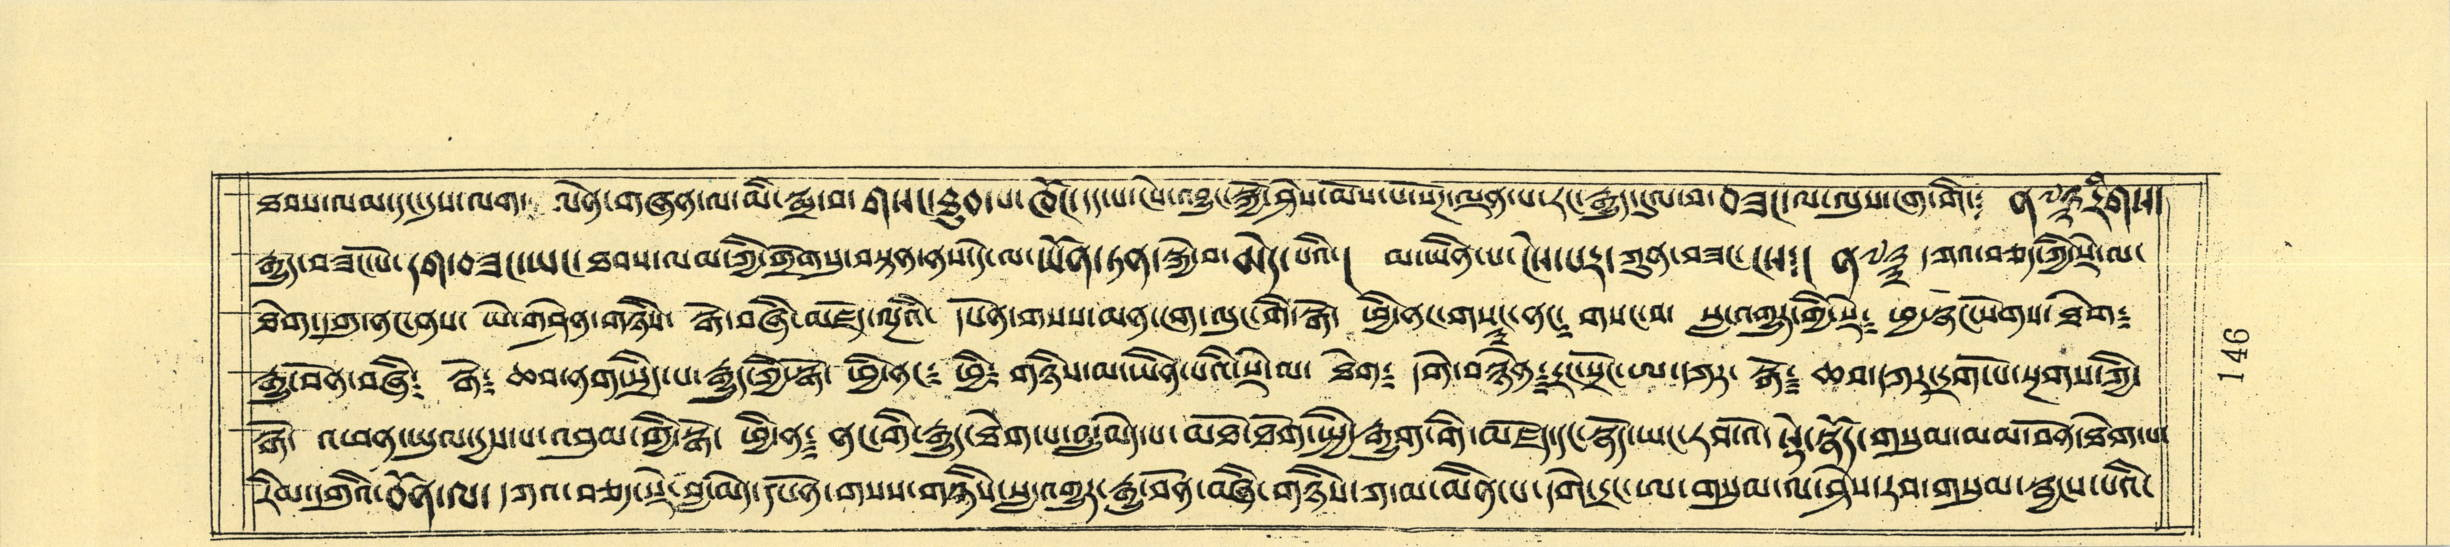ཐབས་ལམ་དང་དུས་ལག་ལེན་གཞན་ལ་མི་སྨྲ་བ་༼གསང་ཐུབ༽པ་༼ཁོང་༽དད་པ་ངེས་འབྱུང་སྐྱོ་ཤས་མོས་པ་སོགས་ལྡན་པ་རང་རྒྱུད་དུལ་བ་༼བཟང་ལ༽ལུས་ངག་གི་ན༧༢།༢༼རིགས༽
རྒྱུད་བཟང་པོ་༼དག་བཟང་ཡང༽ཐབས་ལམ་གྱི་གྲོགས་སུ་བསྟན་ནས་དེ་ལ་༼ཡོན་ཏན༽སྐྱེ་བ་༼མེད༽པའི། མ་ཡིན་པ་༼ངེས་པར༽ཀུན་བཟང་ངས་ན༧༢།༣ དཀའ་སྤྱད་ཀྱི་སྡེ་ལ་
ཐེག་དགུའི་ནང་ནས་ཡེ་གཤེན་གཉིས་སྒོ་བཞི་མཛོད་ལྔའི་དཔོན་གསས་མན་ངག་ལུང་གི་སྒོ་ཕྱི་ནང་གསང་གསུམ་ནང་གཉིས་གསང་བ་སླ་འགྱུར་གྱི་སྡེ་ཕྱྭ་སྣང་སོགས་ཐེག་
རྒྱུ་བོན་བཞི་སྒོ་ཆབ་ནག་སྲིད་པ་རྒྱུད་ཀྱི་སྒོ་ཕྱི་ནང་ཕྱི་གཉིས་མ་ཡིན་པའི་སྡེ་ལ་ཐེག་དགེ་བསྙེན་དྲང་སྲོང་ཨ་དཀར་སྒོ་ཆབ་དཀར་དྲག་པོ་སྔགས་ཀྱི་
སྒོ་འཕན་ཡུལ་རྒྱས་པ་འབུམ་གྱི་སྒོ་ཕྱི་ན༑ ནང་གི་རྒྱུད་ཐེག་པ་བླ་མེད་པ་མཐོ་ཐོག་སྤྱི་རྒྱུག་གི་མཛོད་དང་སྣོད་ཡང་རབ་བོ། ༼སྡེ་སྣོད༽གསུམ་མམ་བོན་ཐེག་པ་
རིམ་དགུའི་༼བོན་ལ༽དཀའ་སྤྱད་སྡེ་བླ་མེད་དཔོན་གསས་གཉིས་སླ་འགྱུར་རྒྱུ་བོན་བཞི་གཉིས་ཀ་མ་ཡིན་པ་དགེ་དྲང་ཨ་གསུམ་ལ་ཤེས་རབ་གསུམ་སྦྱངས་པའི་